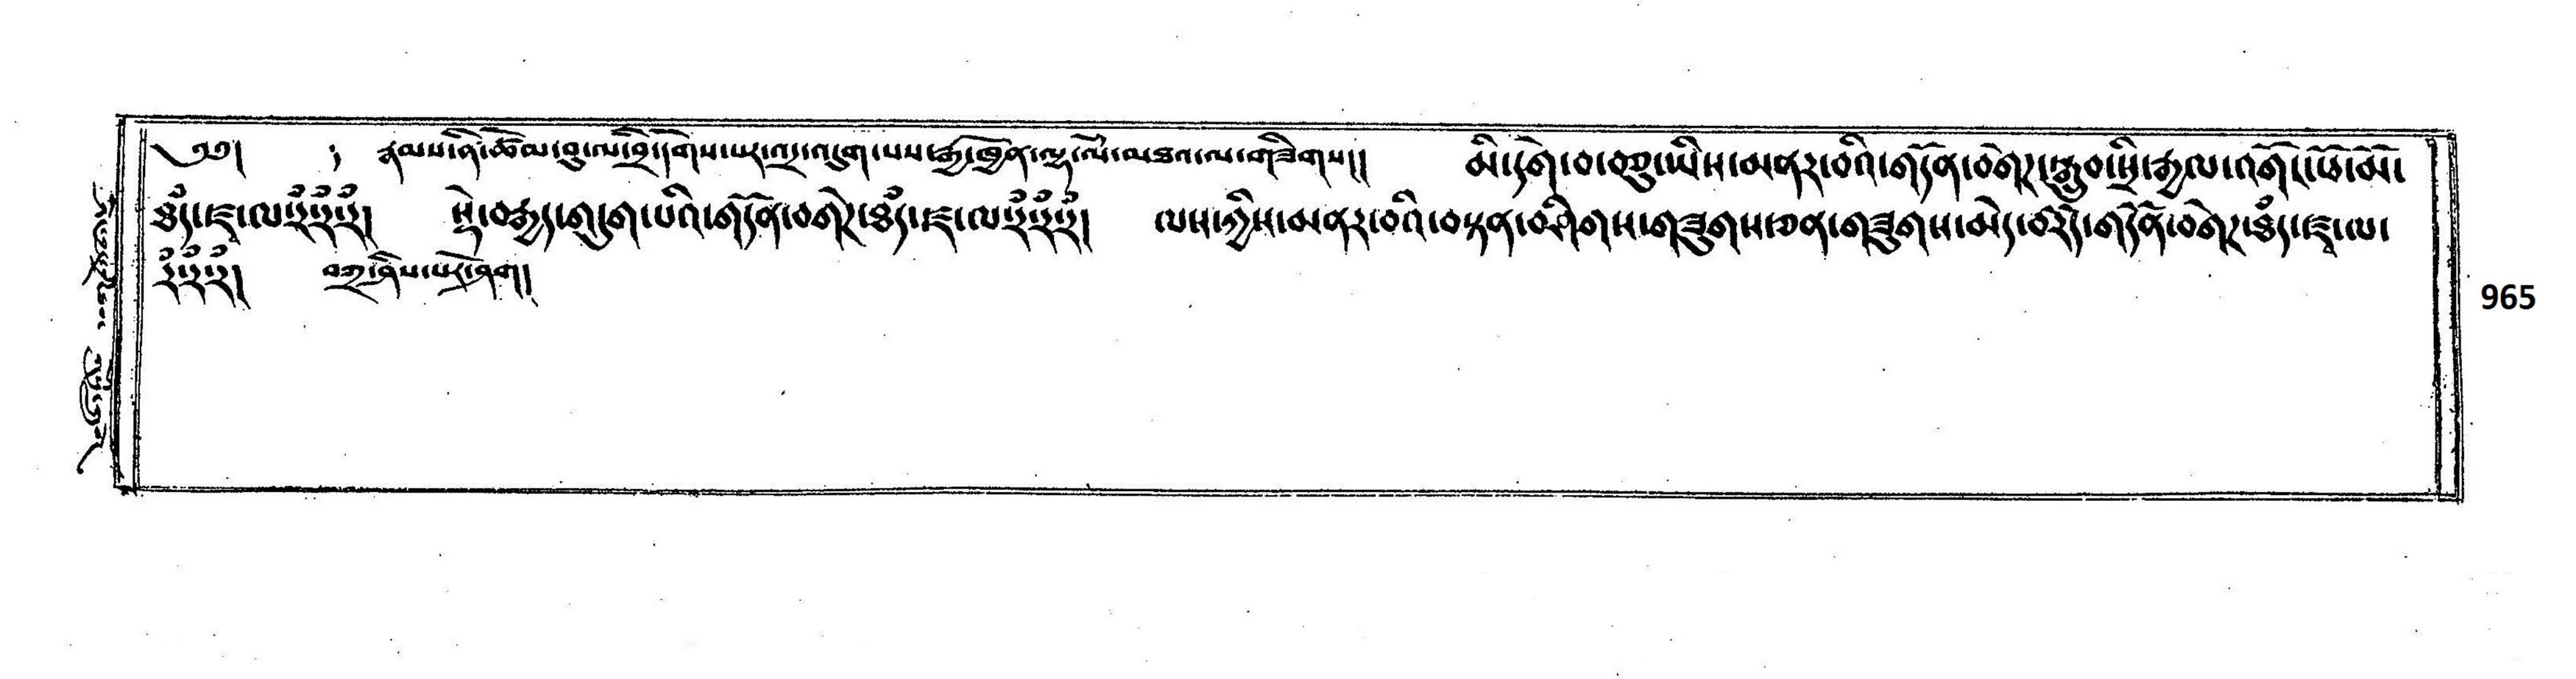རྣམས་ནི་ཚོམ་བུ་ལ་བྲི་དགོས་པར་འདྲ་འདུག་པས་རྒྱ་ཁྱོན་ལྷ་ལམ་མཐའ་ལ་གཟིགས།། མི་དགེ་བ་བཅུ་ཡིས་མནར་བའི་གདོན་བགེགས་སྒྲུབ་སྲི་རྒྱལ་འགོང་ཕོ་མོ་
ཐམས་ཅད་ཛྭ་ལ་རཾ་རཾ་རཾ། སྡེ་བརྒྱད་གདུག་པའི་གདོན་བགེགས་ཐམས་ཅད་ཛ་ལ་རཾ་རཾ་རཾ། ལས་ཀྱིས་མནར་བའི་བསྟན་བཤིགས་གཟུགས་ཅན་གཟུགས་མེད་བར་ཆོད་གདོན་བགེགས་ཐམས་ཅད་ཛྭ་ལ་
རཾ་རཾ་རཾ། བཀྲ་ཤིས་པར་ཤོག །